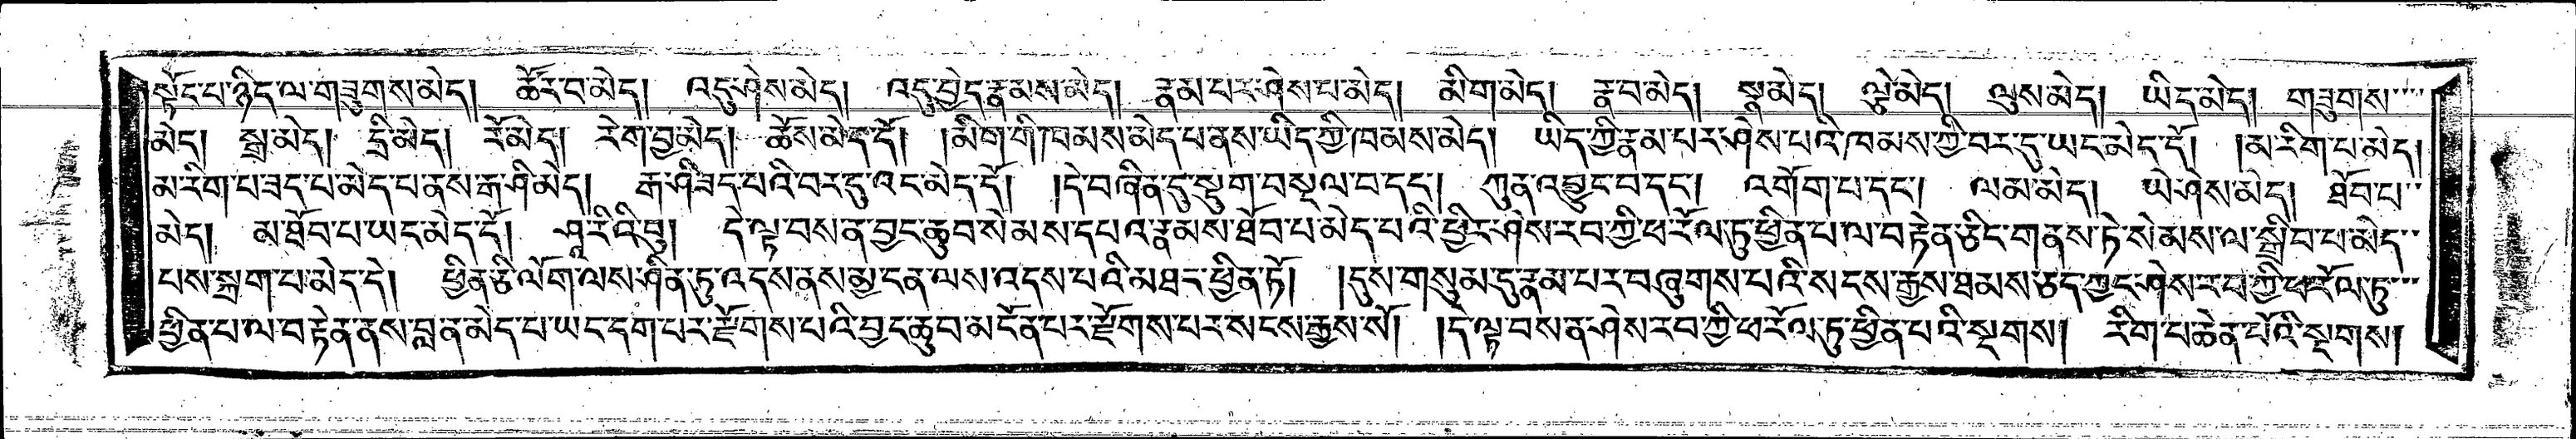སྟོང་པ་ཉིད་ལ་གཟུགས་མེད། ཚོར་བ་མེད། འདུ་ཤེས་མེད། འདུ་བྱེད་རྣམས་མེད། རྣམ་པར་ཤེས་པ་མེད། མིག་མེད། རྣ་བ་མེད། སྣ་མེད། ལྕེ་མེད། ལུས་མེད། ཡིད་མེད། གཟུགས་
མེད། སྒྲ་མེད། དྲི་མེད། རོ་མེད། རེག་བྱ་མེད། ཆོས་མེད་དོ། །མིག་གི་ཁམས་མེད་པ་ནས་ཡིད་ཀྱི་ཁམས་མེད། ཡིད་ཀྱི་རྣམ་པར་ཤེས་པའི་ཁམས་ཀྱི་བར་དུ་ཡང་མེད་དོ། །མ་རིག་པ་མེད།
མ་རིག་པ་ཟད་པ་མེད་པ་ནས་རྒ་ཤི་མེད། རྒ་ཤི་ཟད་པའི་བར་དུའང་མེད་དོ། །དེ་བཞིན་དུ་སྡུག་བསྔལ་བ་དང་། ཀུན་འབྱུང་བ་དང་། འགོག་པ་དང་། ལམ་མེད། ཡེ་ཤེས་མེད། ཐོབ་པ་
མེད། མ་ཐོབ་པ་ཡང་མེད་དོ། ཤཱ་རིའི་བུ། དེ་ལྟ་བས་ན་བྱང་ཆུབ་སེམས་དཔའ་རྣམས་ཐོབ་པ་མེད་པའི་ཕྱིར་ཤེས་རབ་ཀྱི་ཕ་རོལ་ཏུ་ཕྱིན་པ་ལ་བརྟེན་ཅིང་གནས་ཏེ་སེམས་ལ་སྒྲིབ་པ་མེད་
པས་སྐྲག་པ་མེད་དེ། ཕྱིན་ཅི་ལོག་ལས་ཤིན་ཏུ་འདས་ནས་མྱ་ངན་ལས་འདས་པའི་མཐར་ཕྱིན་ཏོ། །དུས་གསུམ་དུ་རྣམ་པར་བཞུགས་པའི་སངས་རྒྱས་ཐམས་ཅད་ཀྱང་ཤེས་རབ་ཀྱི་ཕ་རོལ་ཏུ་
ཕྱིན་པ་ལ་བརྟེན་ནས་བླ་ན་མེད་པ་ཡང་དག་པར་རྫོགས་པའི་བྱང་ཆུབ་མངོན་པར་རྫོགས་པར་སངས་རྒྱས་སོ། །དེ་ལྟ་བས་ན་ཤེས་རབ་ཀྱི་ཕ་རོལ་ཏུ་ཕྱིན་པའི་སྔགས། རིག་པ་ཆེན་པོའི་སྔགས།